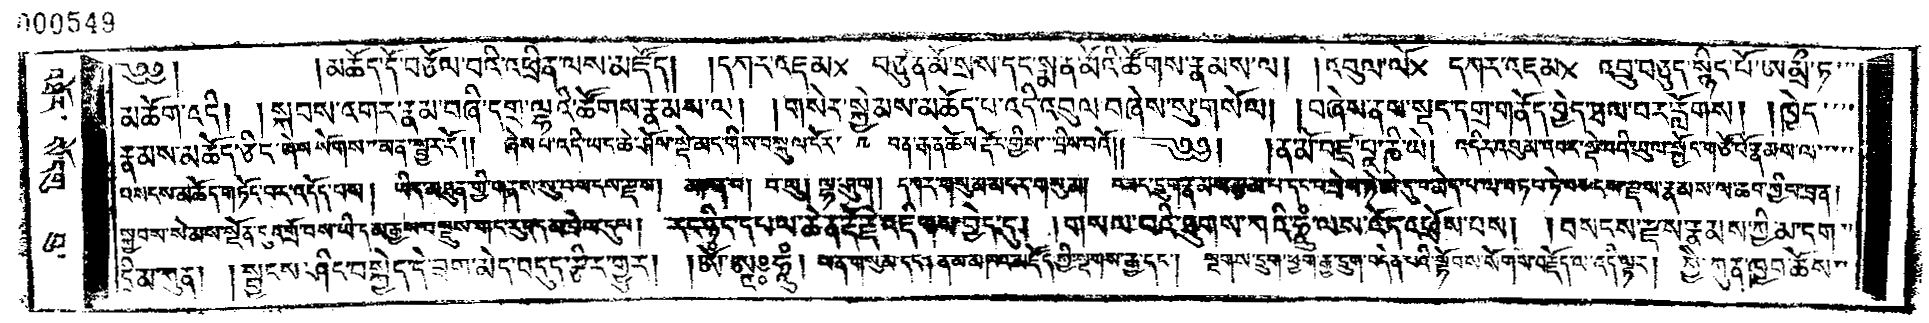༄༅། །མཆོད་དོ་བཅོལ་བའི་འཕྲིན་ལས་མཛོད། །དཀར་འཇམ྾་བཙུན་མོ་སྲས་དང་སྨན་མོའི་ཚོགས་རྣམས་ལ། །འབུལ་ལོ྾་དཀར་འཇམ྾་འབྲུ་བཅུད་སྙིང་པོ་ཨ་མྲྀ་ཏ་
མཆོག་འདི། །སྐབས་འགར་རྣམ་བཞི་དགྲ་ལྷའི་ཚོགས་རྣམས་ལ། །གསེར་སྐྱེམས་མཆོད་པ་འདི་འབུལ་བཞེས་སུ་གསོལ། །བཞེས་ནས་སྡང་དགྲ་གནོད་བྱེད་ཐལ་བར་རློགས། །ཁྱེད་
རྣམས་མཆོད་ཅིང་ཞེས་སོགས་མན་སྦྱར་རོ།། ཞེས་པ་འདི་ཡང་ཆེ་ཤོས་སྡེ་མང་གིས་བསྐུལ་ངོར་༧་བན་རྒན་ཆོས་རྡོར་གྱིས་བྲིས་པའོ།།  ༄༅། །ན་མོ་བཛྲ་པཱ་ཎི་ཡེ། འདིར་འབུམ་འབར་སྡེ་བའི་ཡུལ་སྐྱོང་གཙོ་བོ་རྣམས་ལ་
བསངས་མཆོད་གཏོང་བར་འདོད་པས། ཡིད་མཐུན་གྱི་གནས་སུ་བསངས་རྫས། མཁན་པ། བ་ལུ། ལྷ་ཤུག །དཀར་གསུམ་མངར་གསུམ། བཟང་དྲུག་རྣམས་རྩམ་པ་དང་བསྲེས་ཏེ་མེ་དུ་བ་མེད་པ་ལ་བཏབ་ཏེ་བསངས་རྫས་རྣམས་ལ་ཆབ་ཀྱིས་བྲན།
སྐྱབས་སེམས་སྔོན་དུ་འགྲོ་བས་ཡི་དམ་རྒྱས་བསྡུས་གང་རུད་དམ་བྲེལ་དུས། རང་ཉིད་དཔལ་ཆེན་རྡོ་རྗེ་འཇིགས་བྱེད་དུ། །གསལ་བའི་ཐུགས་ཀའི་ཧཱུཾ་ལས་འོད་འཕྲོས་པས། །བསངས་རྫས་རྣམས་ཀྱི་མ་དག་
དྲི་མ་ཀུན། །སྦྱངས་ཤིང་བསྐྱེད་དེ་ཟག་མེད་བདུད་རྩིར་གྱུར། །ཨོཾ་ཨཱཿ ཧཱུཾ། ཕན་གསུམ་དང་། ནམ་མཁའ་མཛོད་ཀྱི་སྔགས་རྒྱ་དང་། སྔགས་དྲུག་ཕྱག་རྒྱ་དྲུག་བདེན་པའི་ལྟོབས་སོགས་བརྗོད་ལ་འདི་ལྟར།  ཀྱཻ་ཀུན་ཁྱབ་ཆོས་